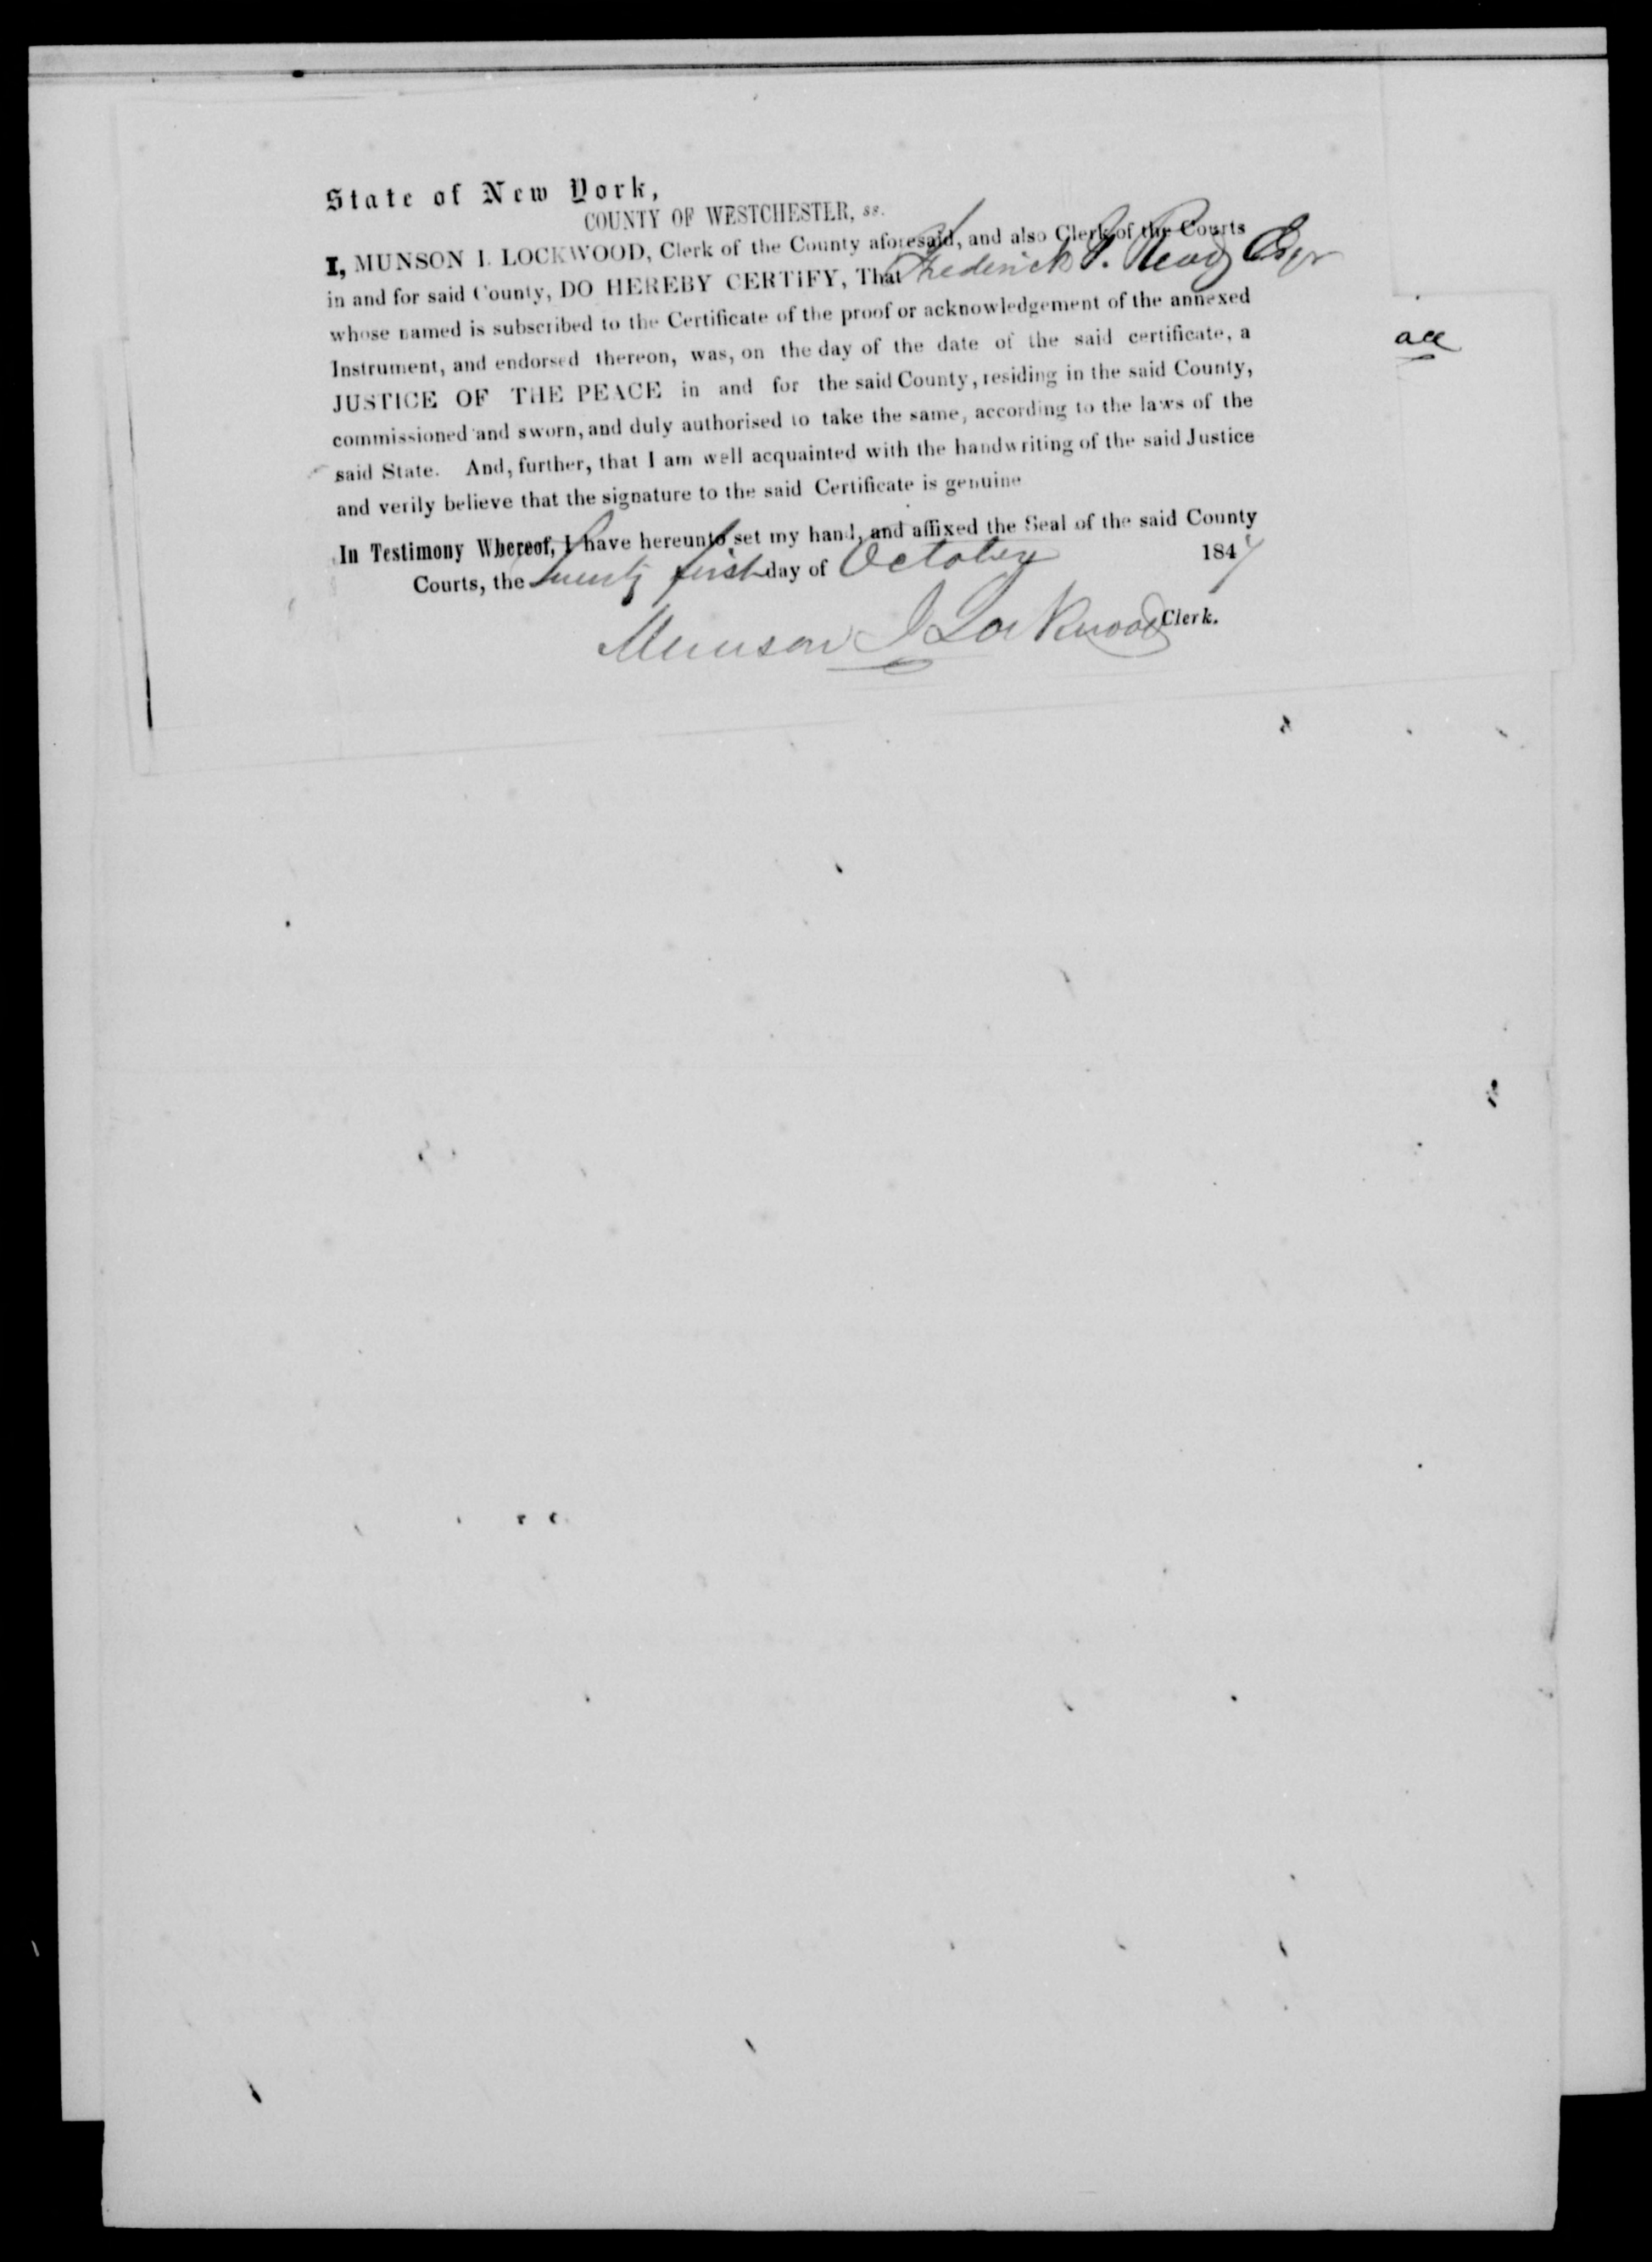State of New York, County of Westchester, ss.
I, Munson I. Lockwood, Clerk of the County aforesaid, and also Clerk of the Courts in and for said County, Do Herby Certify, That Frederick G. Read Esqr whose named is subscribed to the Certificate of the proof or acknowledgement of the annexed Instrument, and endorsed thereon, was, on the day of the date of the said certificate, a Justice of the Peace in and for the said County, residing in the said County, commissioned and sworn, and duly authorised to take the same, according to the laws of the said State. And, further, that I am well acquainted with the handwriting of the said Justice and verily believe that the signature to the said Certificate is genuine.
In Testimony Whereof, I have hereunto set my hand, and affixed the Seal of the said County Courts, the twenty first day of October 1847.
Munson I. Lockwood Clerk.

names: Munson I Lockwood; Frederick G Read; Munson I Lockwood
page: 49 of 77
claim: survivor's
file: S. 23003, for Silas Southerland, New York